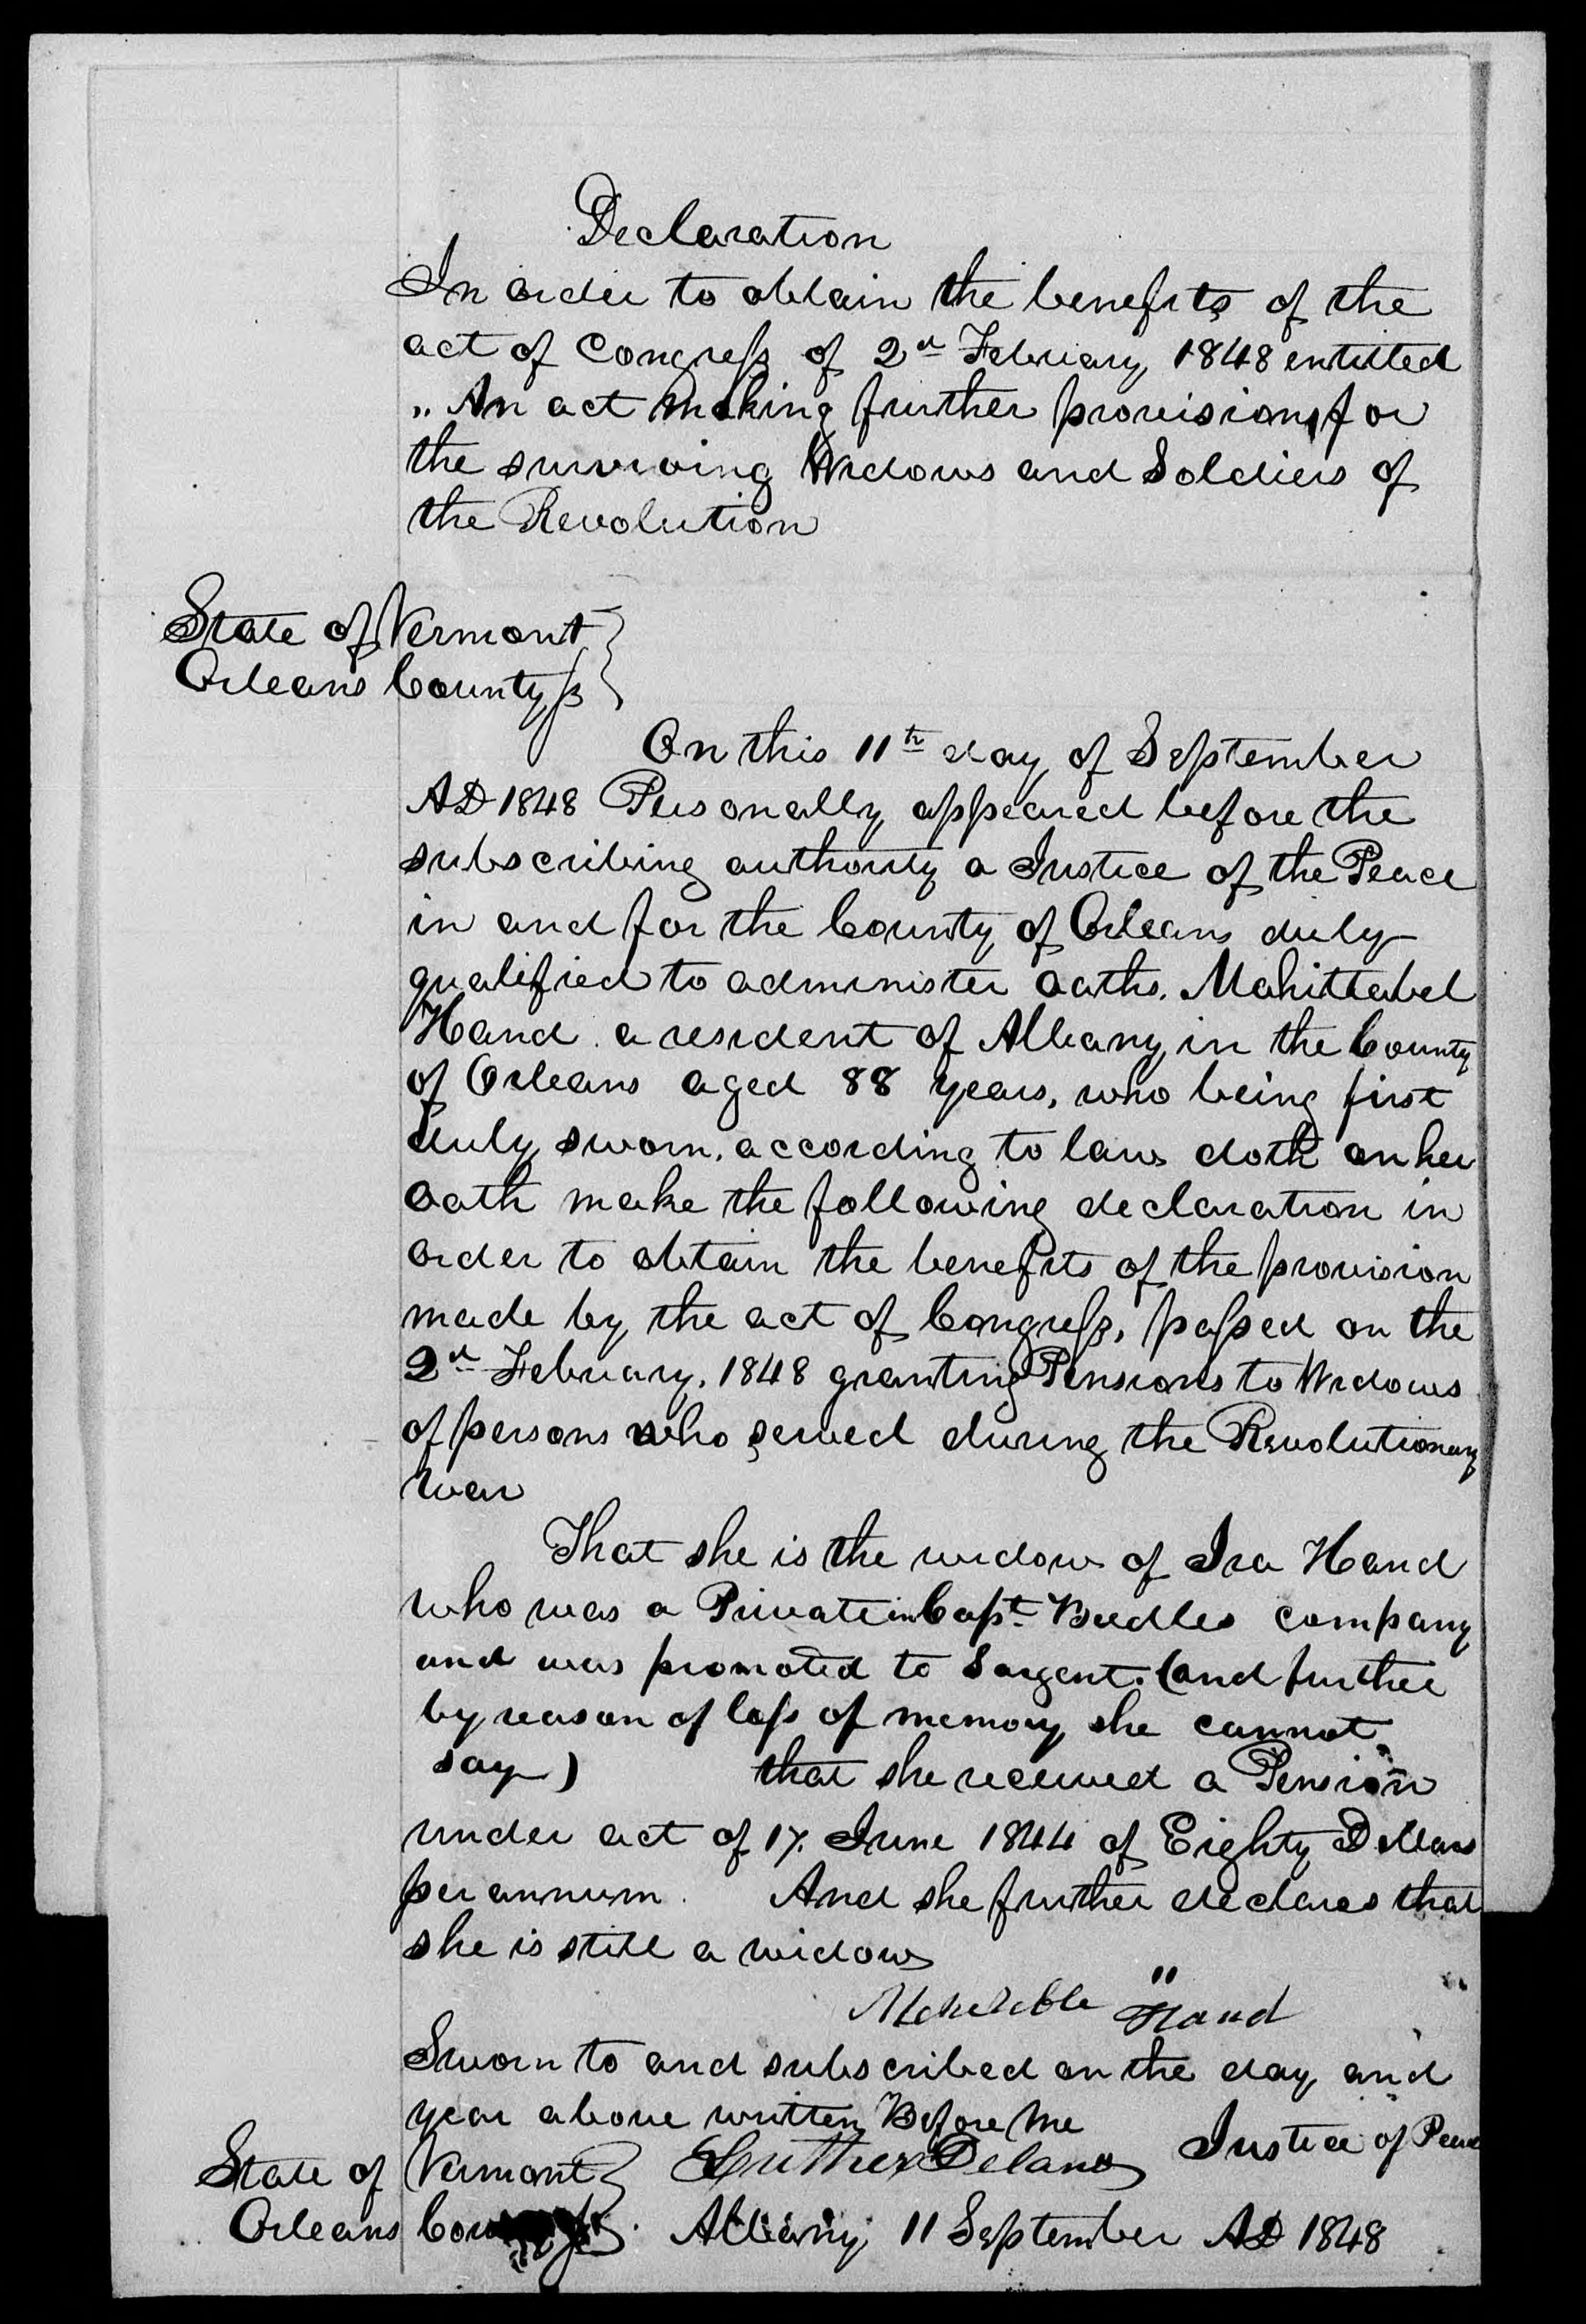Declaration
 In order to obtain the benefits of the
act of Congress of 2d February 1848 entitled
"An act making further provisions for
the surviving widows and Soldiers of
the Revolution
State of Vermont
Orleans
State of
Orleans
 County 
On this 11th day of September
AD 1848 Personally appeared before the
subscribing authority, a Justice of the Peace
in and for the County of Orleans duly
qualified to administer oaths, Mehitable
and a resident of Albany in the County
of Orleans aged 88 years, who being first
duly sworn, according to laws doth on her 
oath make the following declaration in
order to obtain the benefits of the provision
made by the act of Congress, passed on the
2d February 1848 granting pensions to Widows
of persons who served during the Revolutionary
That she is the widow of Ira Hand
who was a Private in Capt. Budles Company
and was promoted to Sargent and further
by reason of loss of memory, she cannot
day
that she received a Pension
under act of
┃ per annum
17 June 1844 of Eighty Dollars
And she further declares that
she is still a widow
28
Mehetabel Hand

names: Meheteble Hand, Luther Delano, Mahittabel Hand, Ira Hand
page: 26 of 42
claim: widow's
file: W. 19,722, Ira Hand, N.H. Vt.